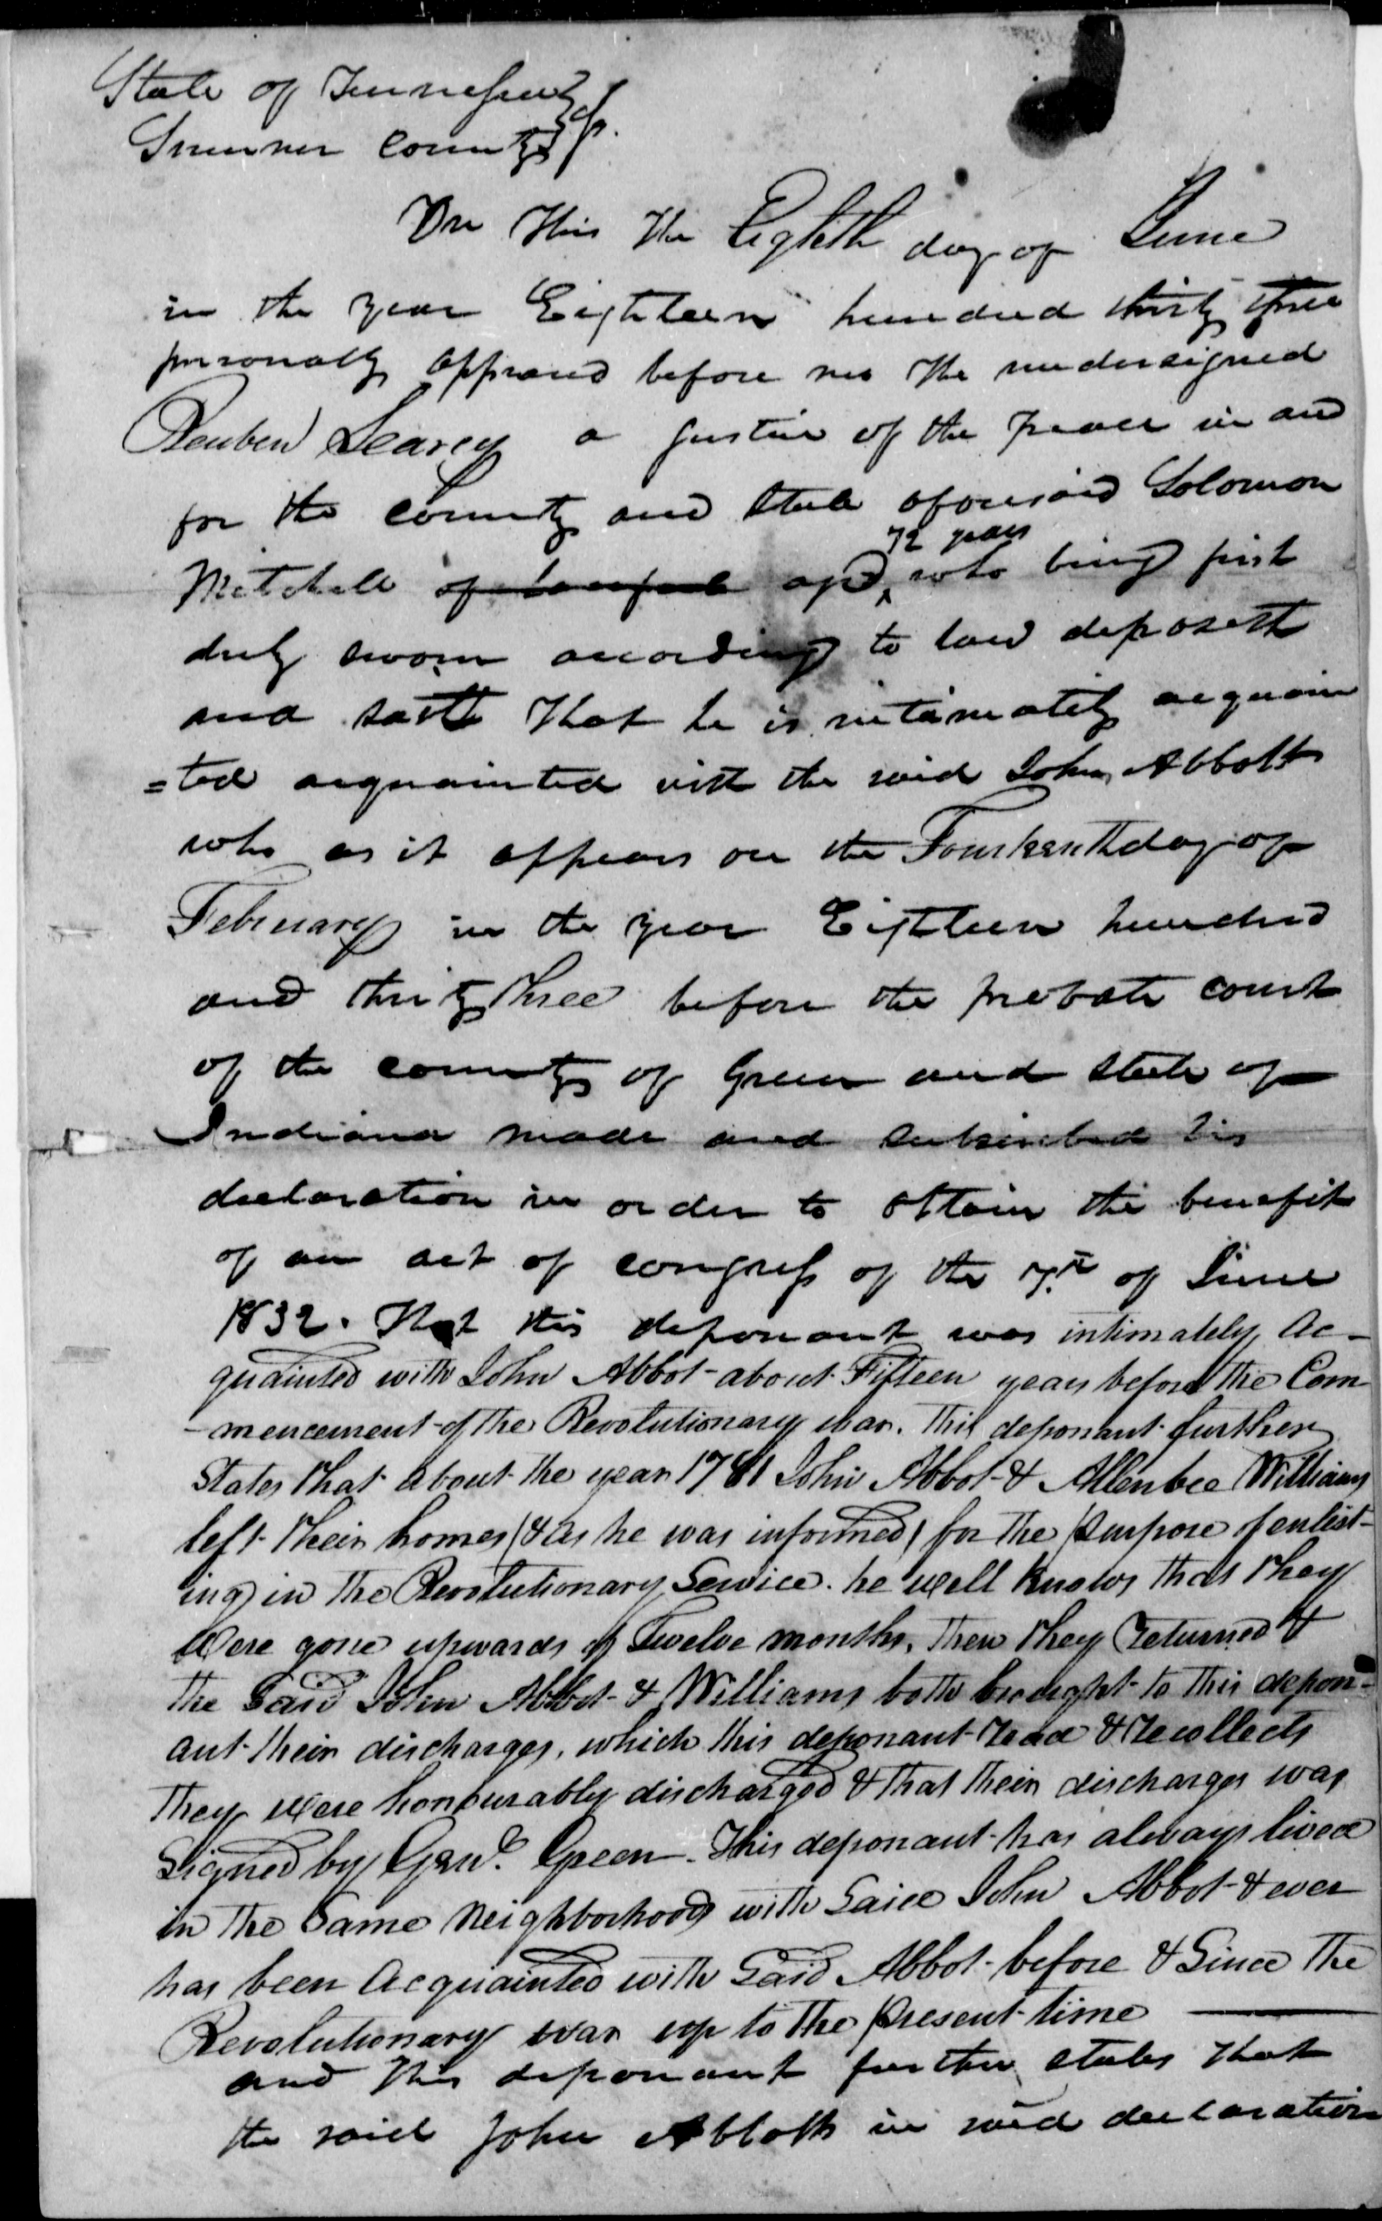State of Tennessee
Sumner County
●
On this the Eighth day of
of
June
in the year Eighteen hundred thirty three
personally appeared before me the undersigned
Reuben Searcy
a Justice of the peace in and
for the County and State aforesaid Solomon
Mitchell 72 years who being first
duly sworn according to law deposeth
and saith that he is intimately acquainted with the said John Abbott
who as it appears on the Fourteenth day of
February in the year Eighteen hundred
and thirty three before the probate court
of the County of Green and State of
Indiana made and subscribed his
declaration in order to obtain the benefit
of an act of congress of the 7th of June
1832. That this deponent was intimately acquainted
with John Abbot about Fifteen years before the Commencement of the Revolutionary war, this deponent further
States that about the year 1781 John Abbot & Allenbee Williams
left their homes & as he was informed, for the purpose of enlisting in the Revolutionary service he well knows that they
were gone upwards of Twelve months, then they returned &
the said John Abbot & Williams both brought to this deponent their discharges, which this deponent read & recollects
they were honourably discharged & that their discharge was
Signed by Genl. Green. This deponent has always lived in
the same neighborhood with said John Abbot & was

has been acquainted with said Abbot before & since the
Revolutionary war up to the present time
---
and this deponent further states that the
said John Abbott is said declaration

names: Abbot, John Abbot, John Abbot, John Abbot, John Abbott, John Abbot, Green, Allenbee Williams, Solomon Mitchell, John Abbott, Williams, Reuben Searcy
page: 21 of 35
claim: survivor's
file: S. 32089, John Abbott, Continental N. C.